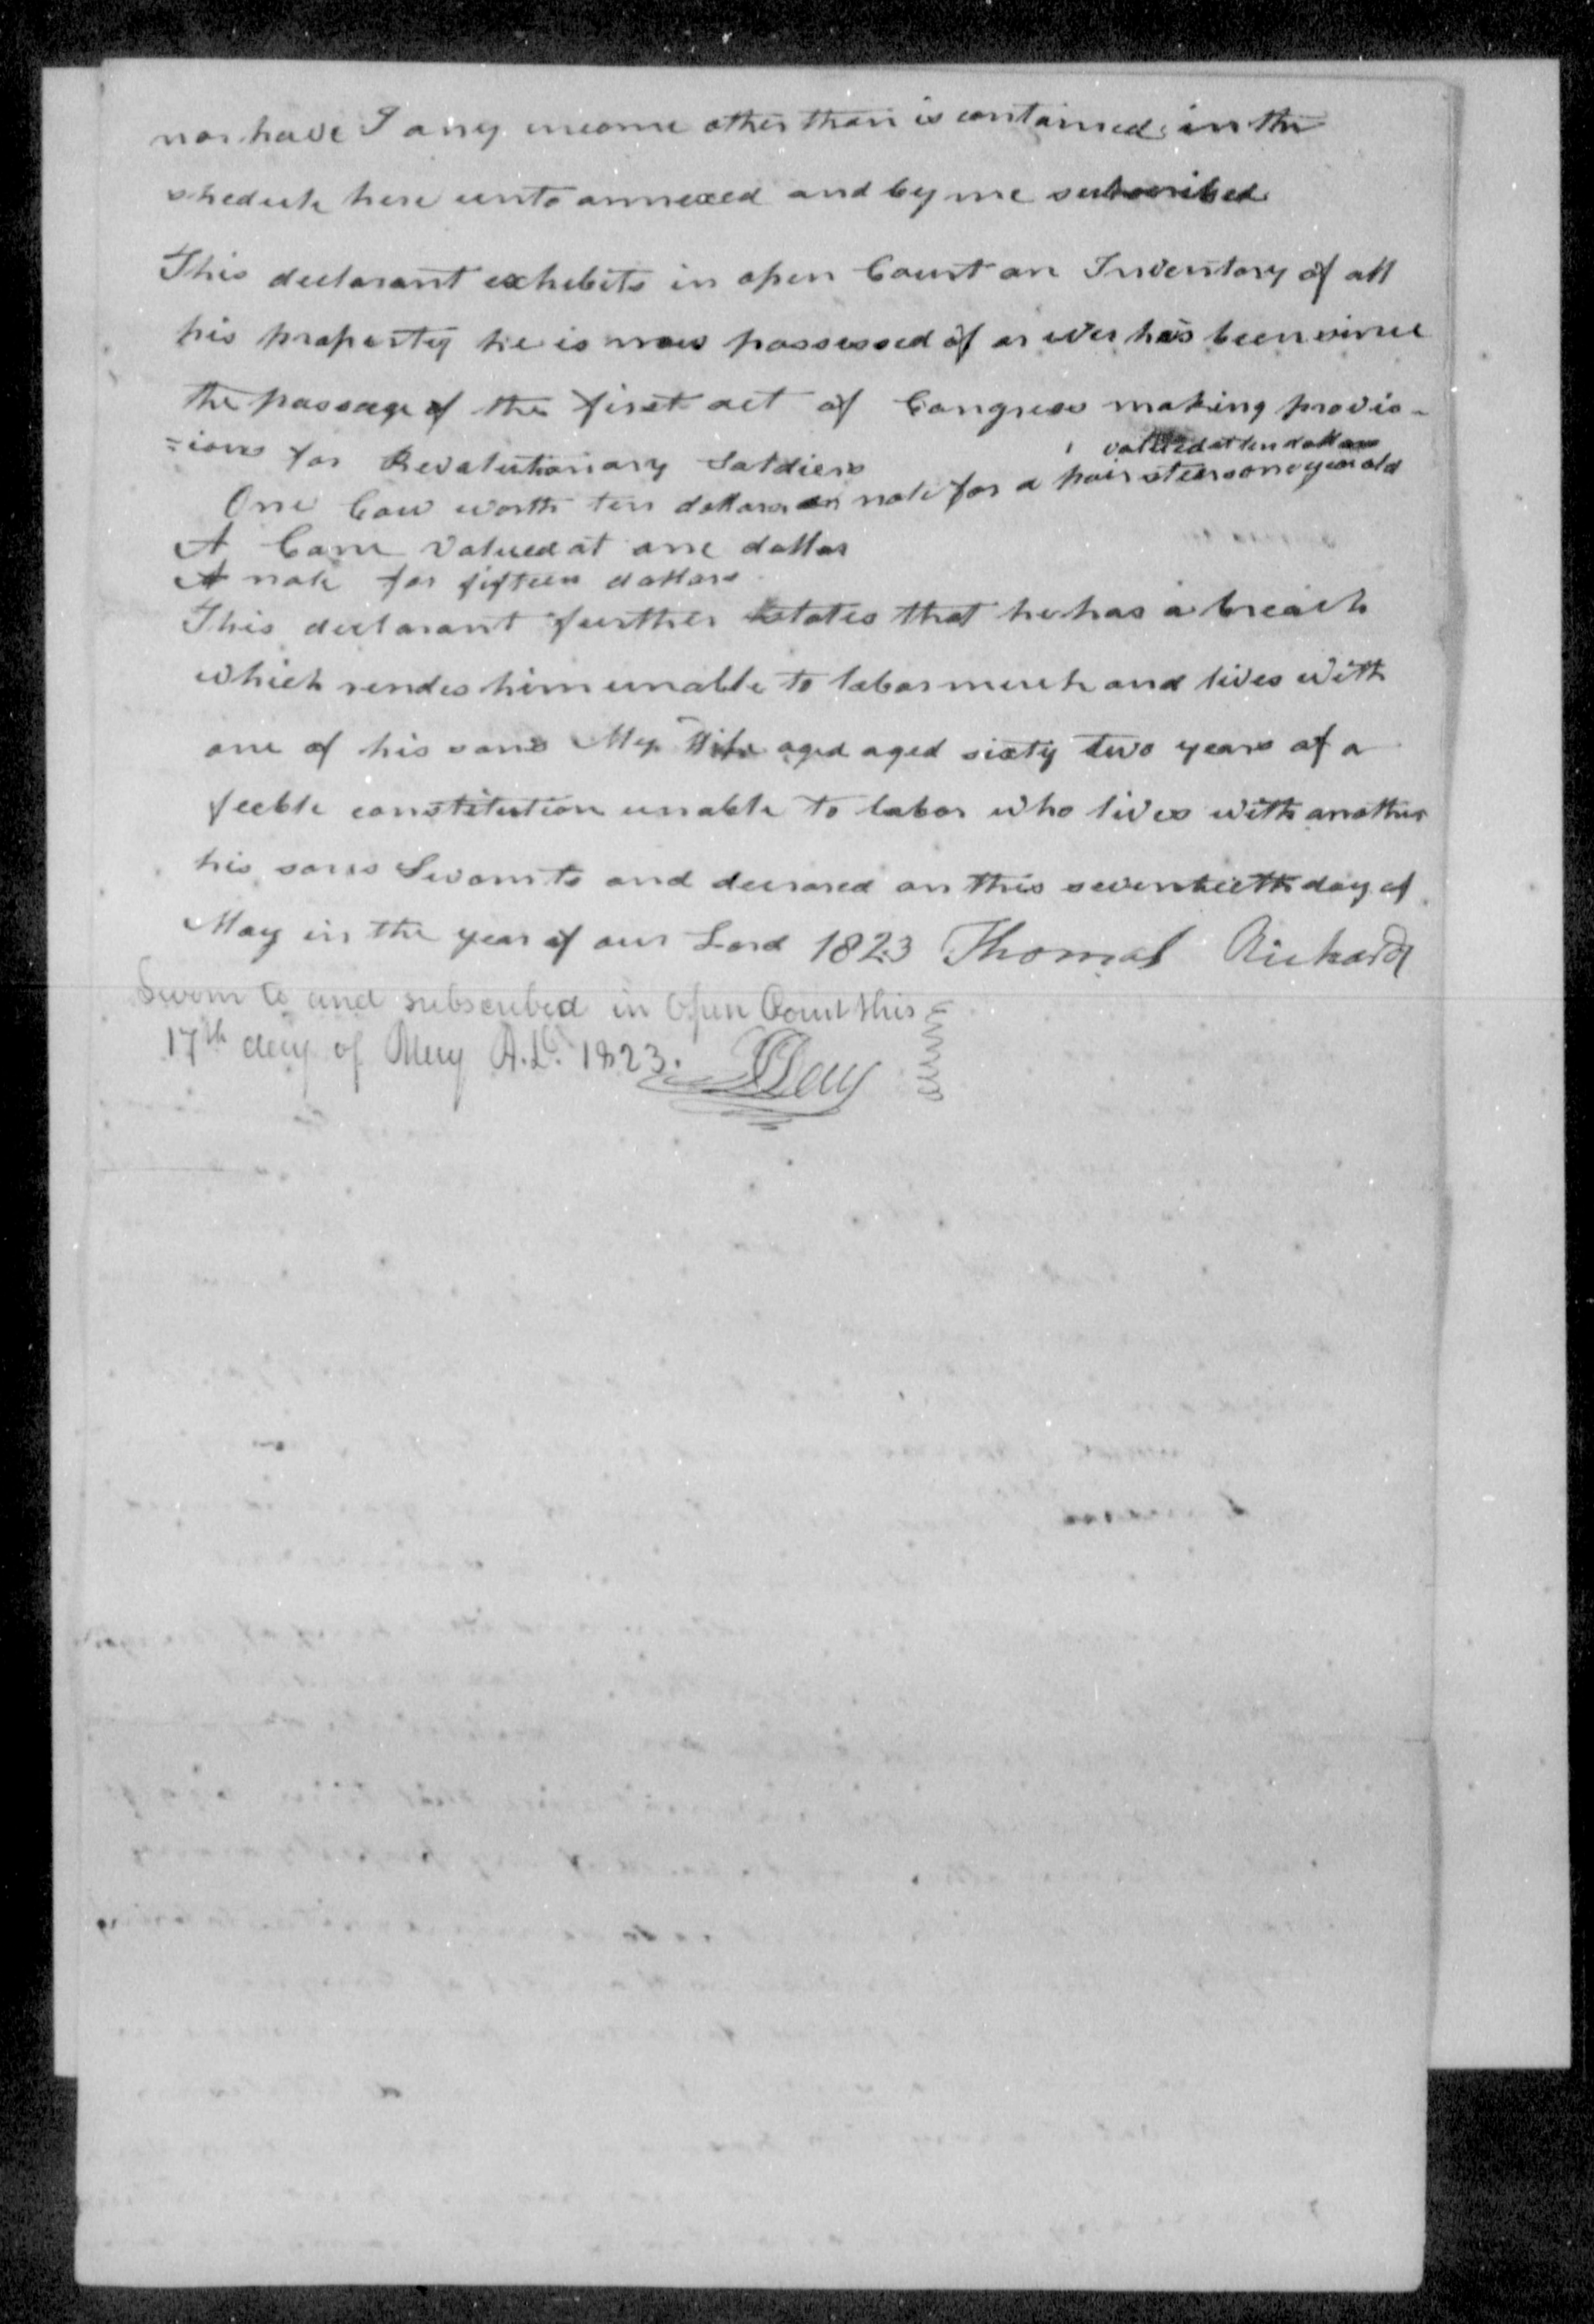nor have I any income other than is contained in the schedule here unto annexed and by me subscribed
This declarant exhibits in open Court an Inventory of all his property he is now possessed of and has been since the passage of the first act of Congress making provision
for Revolutionary Soldiers

One Cow worth ten dollars an [sic] note for a pair steer one year old valued at ten dollars
A cane valued at one dollar
A note for fifteen dollars
This declarant further states that he has a break which renders him unable to labor much and lives with one of his sons My wife aged aged [sic] sixty two years of a feeble constitution unable to labor who lives with another his sons Sworn to and declared on this seventeeth [SEVENTEENTH] Day of May in the year of our Lord 1823 Thomas Richards
Sworn to and subscribed in open Court this
17th day of May A.D. 1823. S Day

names: Thomas Richards; S Day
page: 31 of 109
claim: widow's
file: W. 5709, for Thomas Richards, New Hampshire